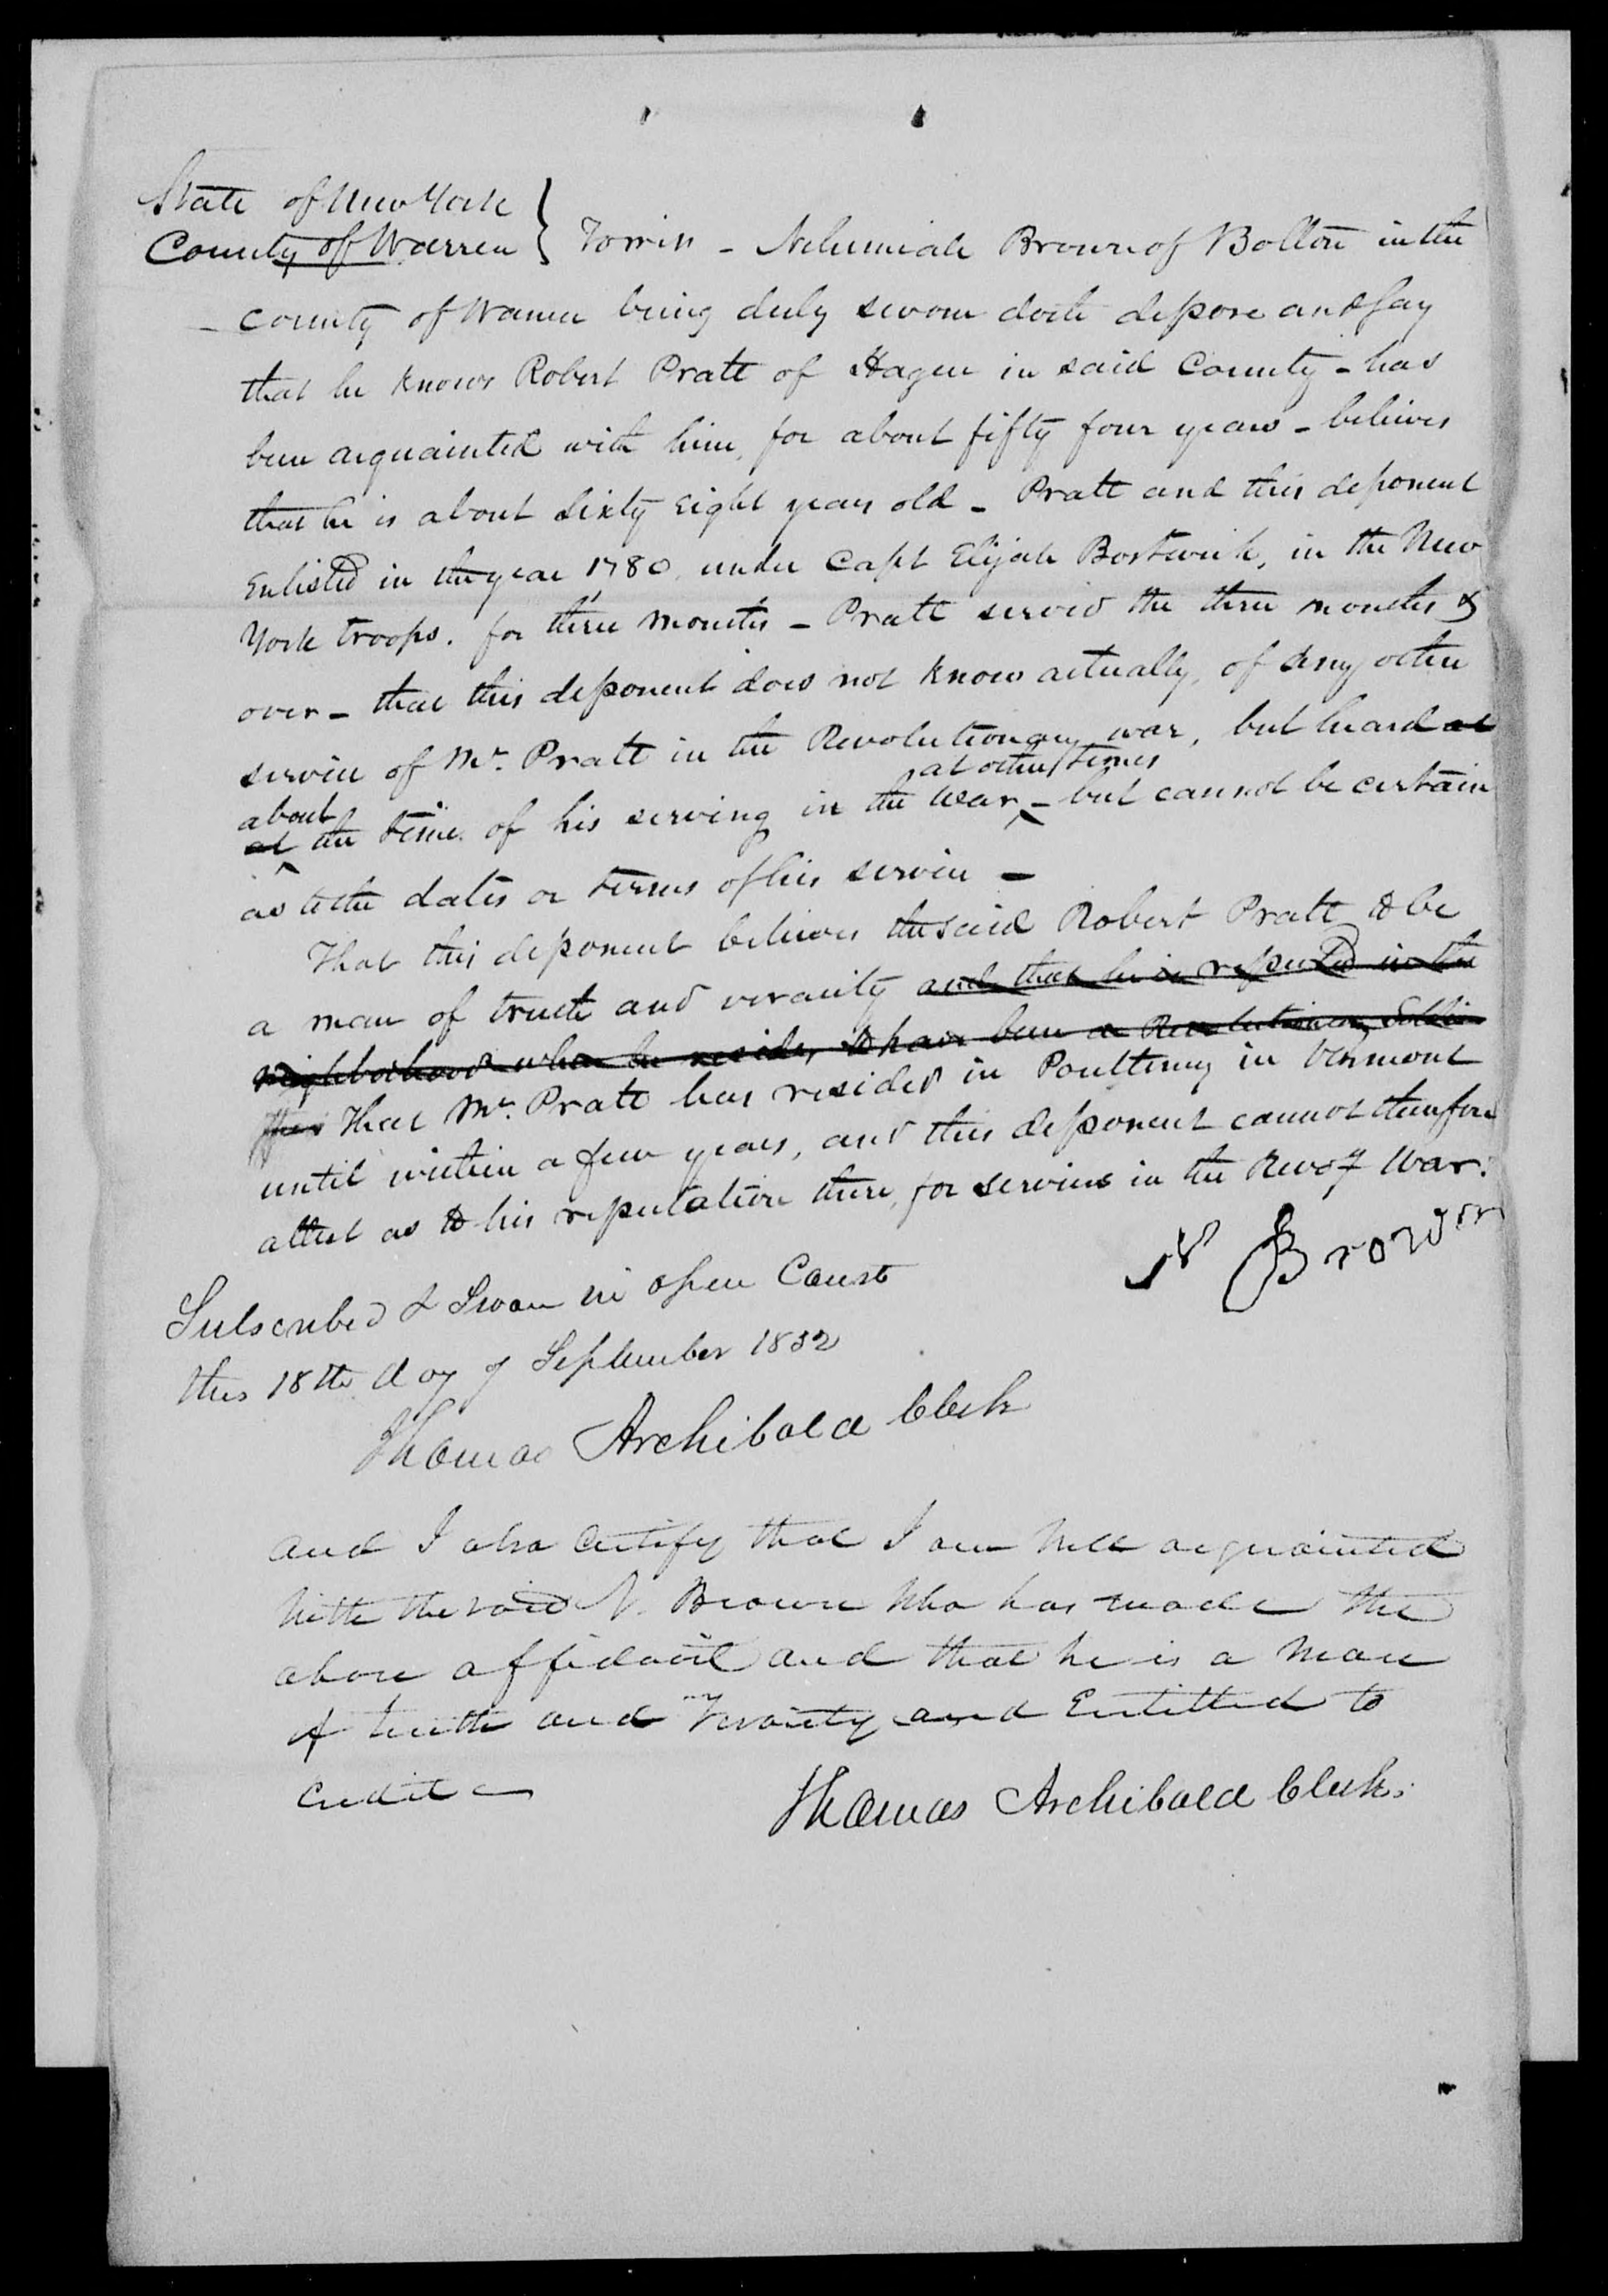State of New York
County of Warren } ss:
To wit-- Nehemiah Brown of Bolton in the
County of Warren being duly sworn doth depose and say that he knows Robert Pratt of Hague in said County has been acquainted with him, for about fifty four years, believes
that he is about Sixty Eight years old. Pratt and this deponent enlisted in the year 1780 under Capt Elijah Bostwick, in the New York troops, for three months. Pratt served the three months & over - that this deponent does not know actually, of any other service of Mr Pratt in the Revolutionary war, but heard about the times of his serving in the war at other times, but cannot be certain as to the dates or terms of his service.
That this deponent believes the said Robert Pratt to be a man of truth and veracity and
that Mr. Pratt has resided in Poultney in Vermont until within a few years, and this deponent cannot therefore attest as to his reputation there for services in the Revolutionary War.
[signed]  N Brown
Subscribed & Sworn in open Court
this 18th day of September 1832
Thomas Archibald Clerk

and I also certify that I am well acquainted with
the said N. Brown who has made the
above affidavit and that he is a man
of truth and veracity and entitled to
Credit-
Thomas Archibald Clerk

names: Robert Pratt; Thomas Archibald; Nehemiah Brown; Elijah Bostwick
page: 12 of 23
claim: survivor's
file: S. 14,229, for Robert Pratt, New York